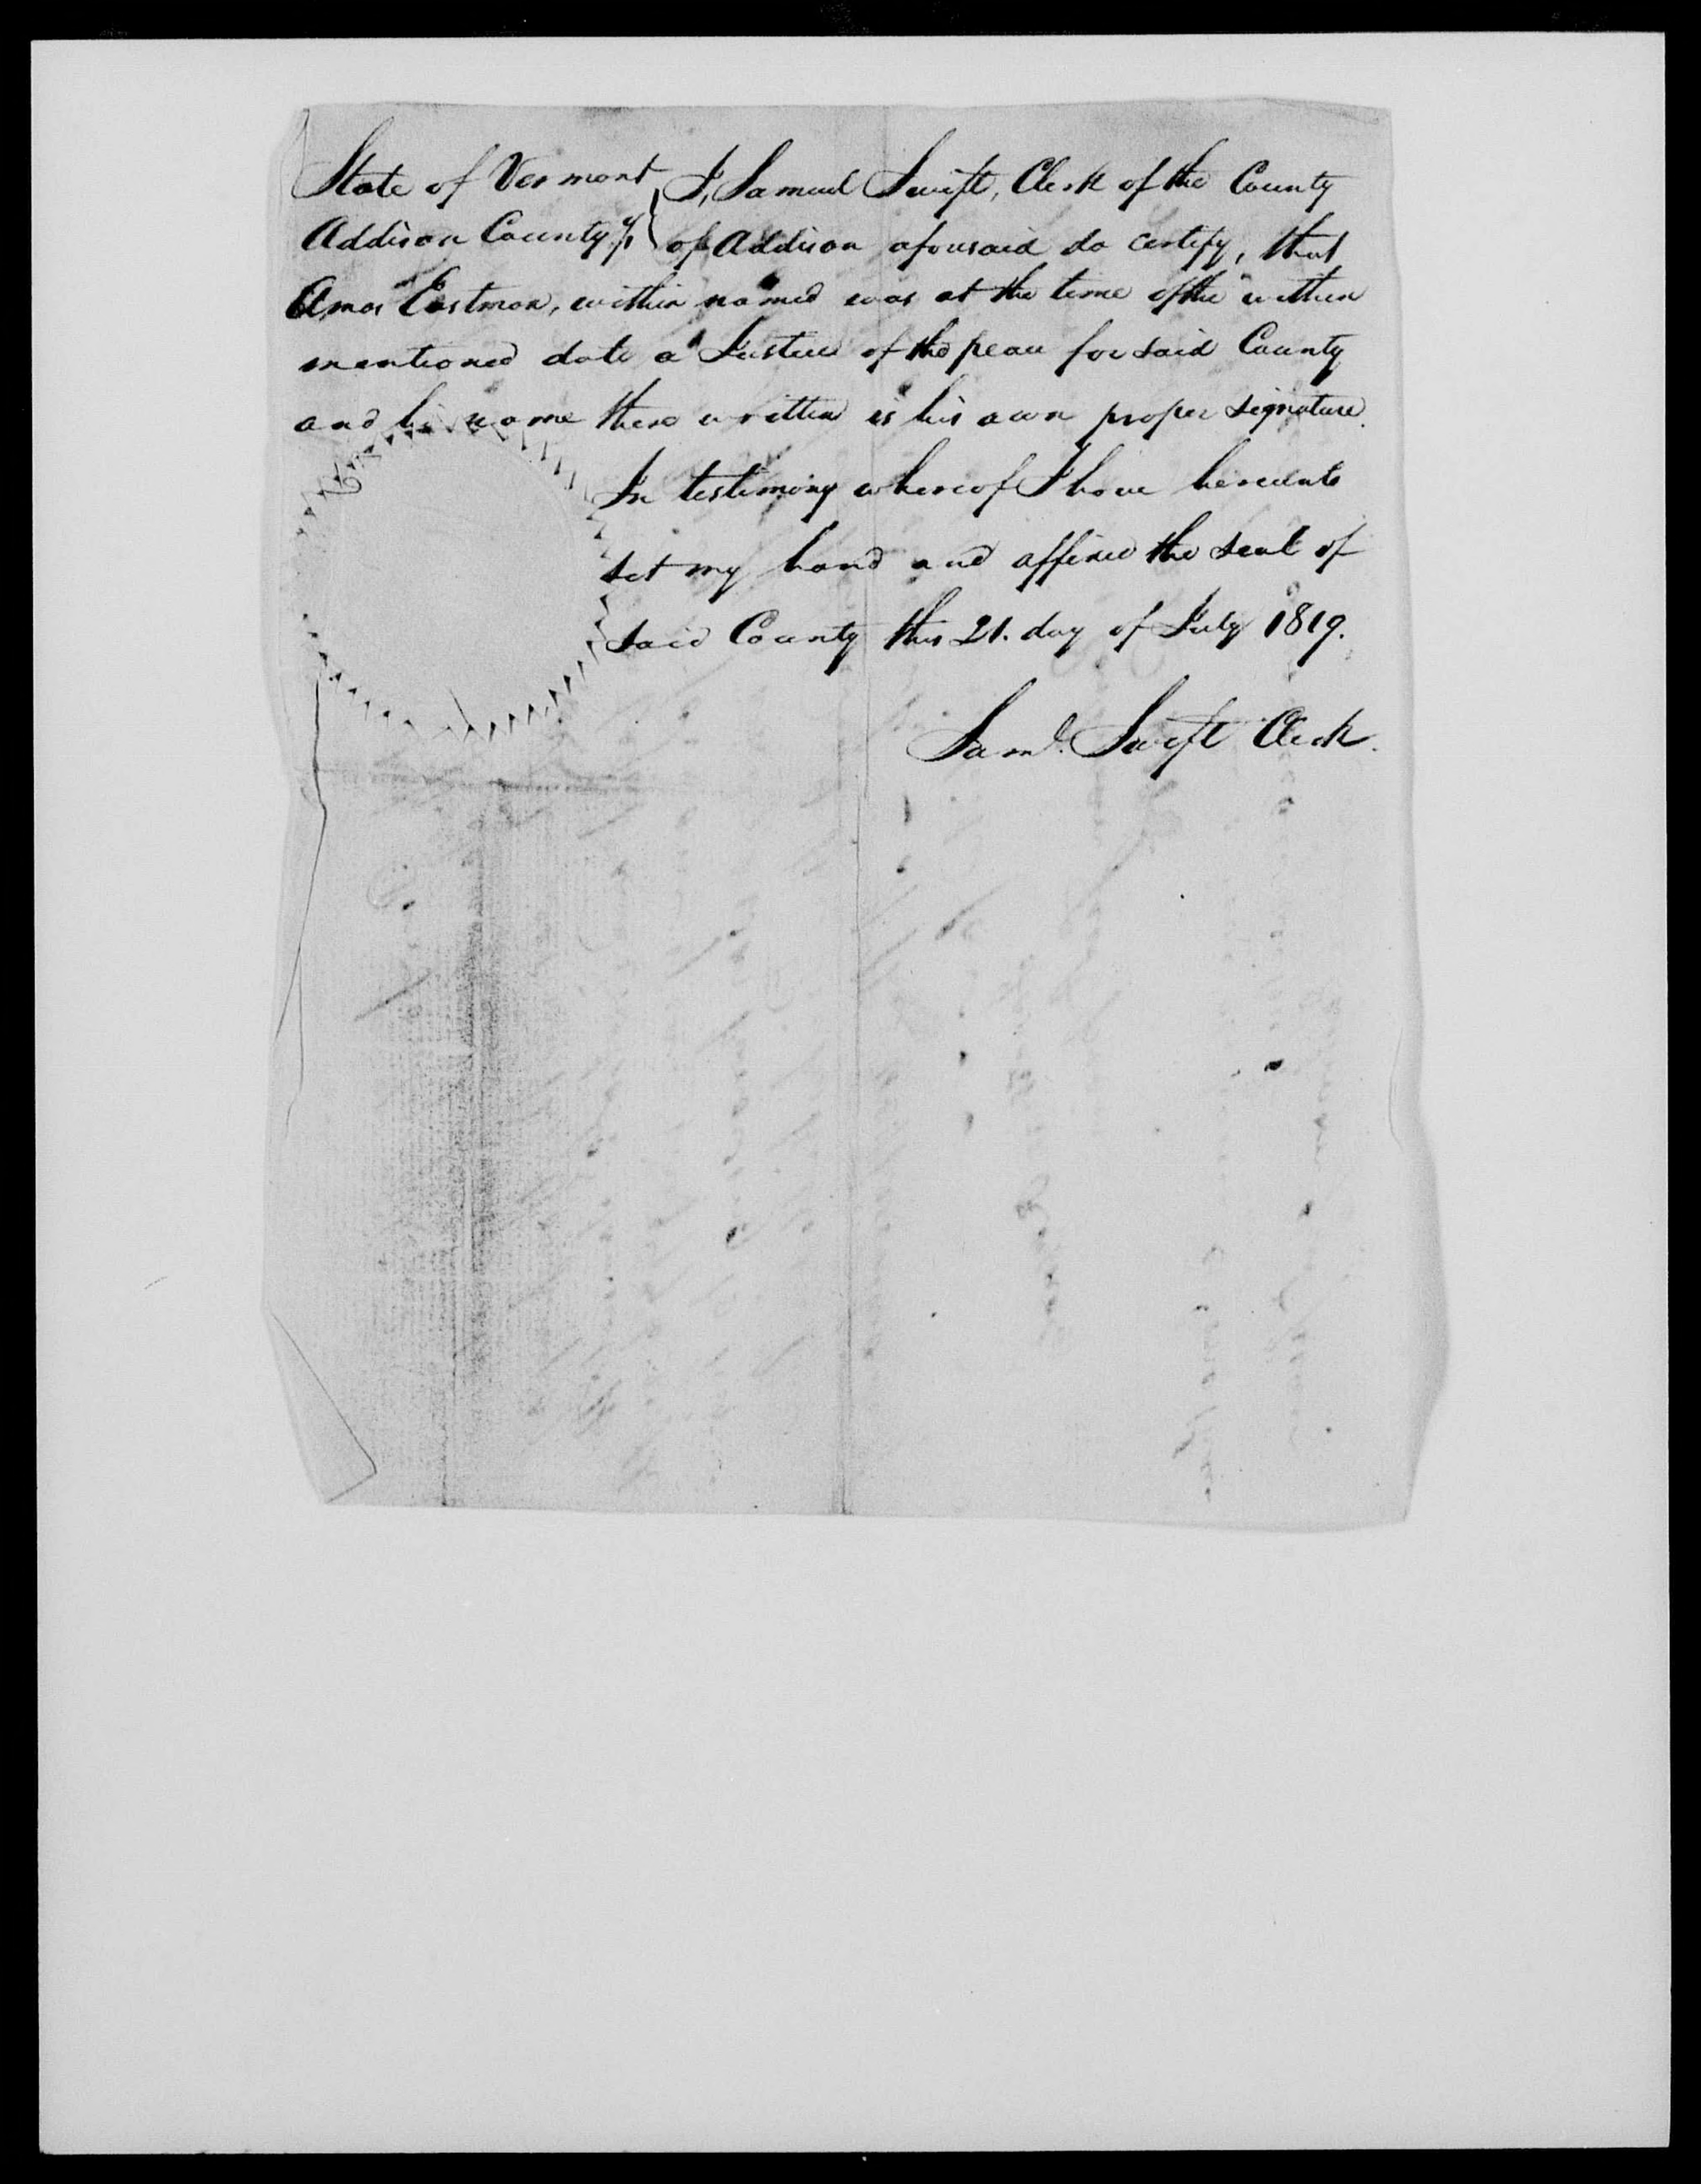State of Vermont, 
Addison County 
I, Samuel Swift, Clerk of the County
of Addison aforesaid do certify, that
Amos Eastman, within named was at the time of the within
mentioned date a Justice of the peace for said County
and his name written is his own proper signature
In testimony whereof I have hereunto
set my hand and affixed the seal of
said County this 21 day of July 1819
Saml Swift Clerk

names: Samuel Swift, Amos Eastmon, Saml Swift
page: 22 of 62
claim: widow's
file: W. 21391, Robert Holley, Conn.